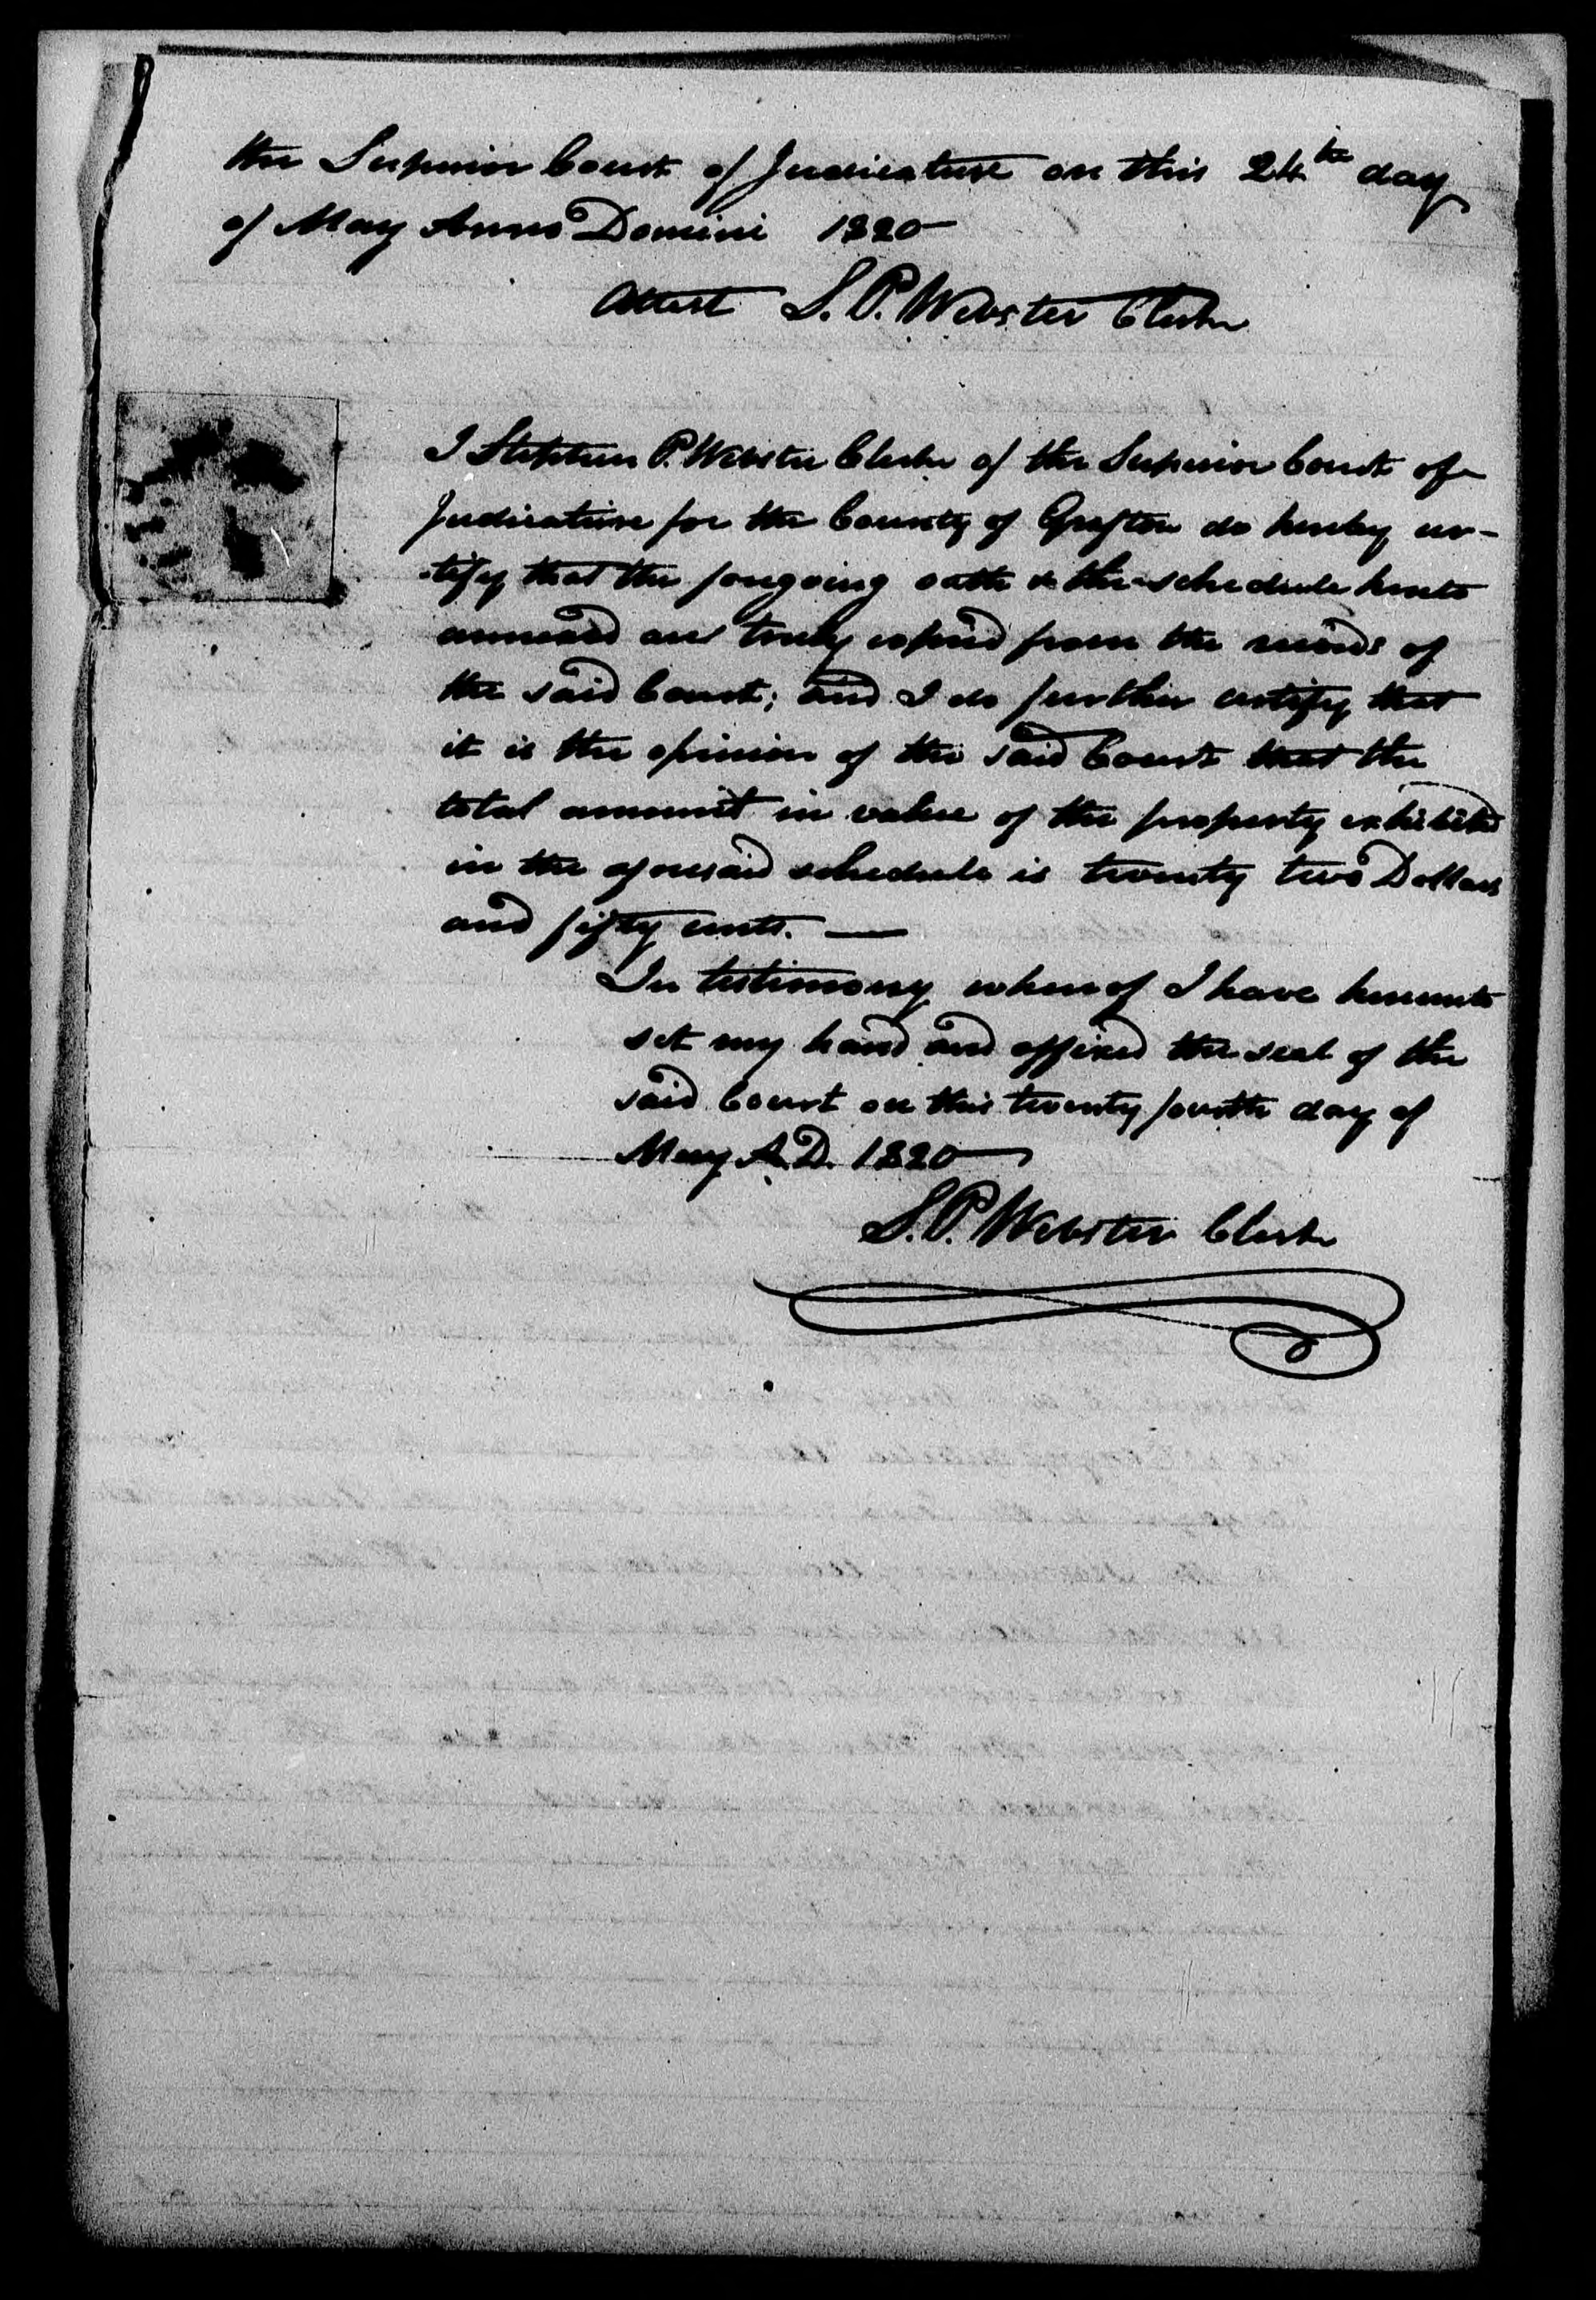the Superior Court of Judicature on this 24th day of May Anno Domini 1820 
Attest S. P. Webster Clerk 

I Stephen P. Webster Clerk of the Superior Court of Judicature for the County of Grafton do hereby certify that the foregoing oath & the schedule hereto annexed are truly copied from the records of the said Court; and I do further certify that it is the opinion of the said Court that the total amount in value of the property exhibited in the aforesaid schedule is twenty two Dollars and fifty cents. - 
In testimony whereof I have hereunto set my hand and affixed the seal of the said Court on this twenty fourth day of May A.D. 1820 

S. P. Webster Clerk

{stamped with an illegible stamp, presumably the seal of the Superior Court}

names: S P Webster, Stephen P Webster, S P Webster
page: 11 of 57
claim: widow's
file: W. 16,114, John Elliot, Continental (Mass) N.H.